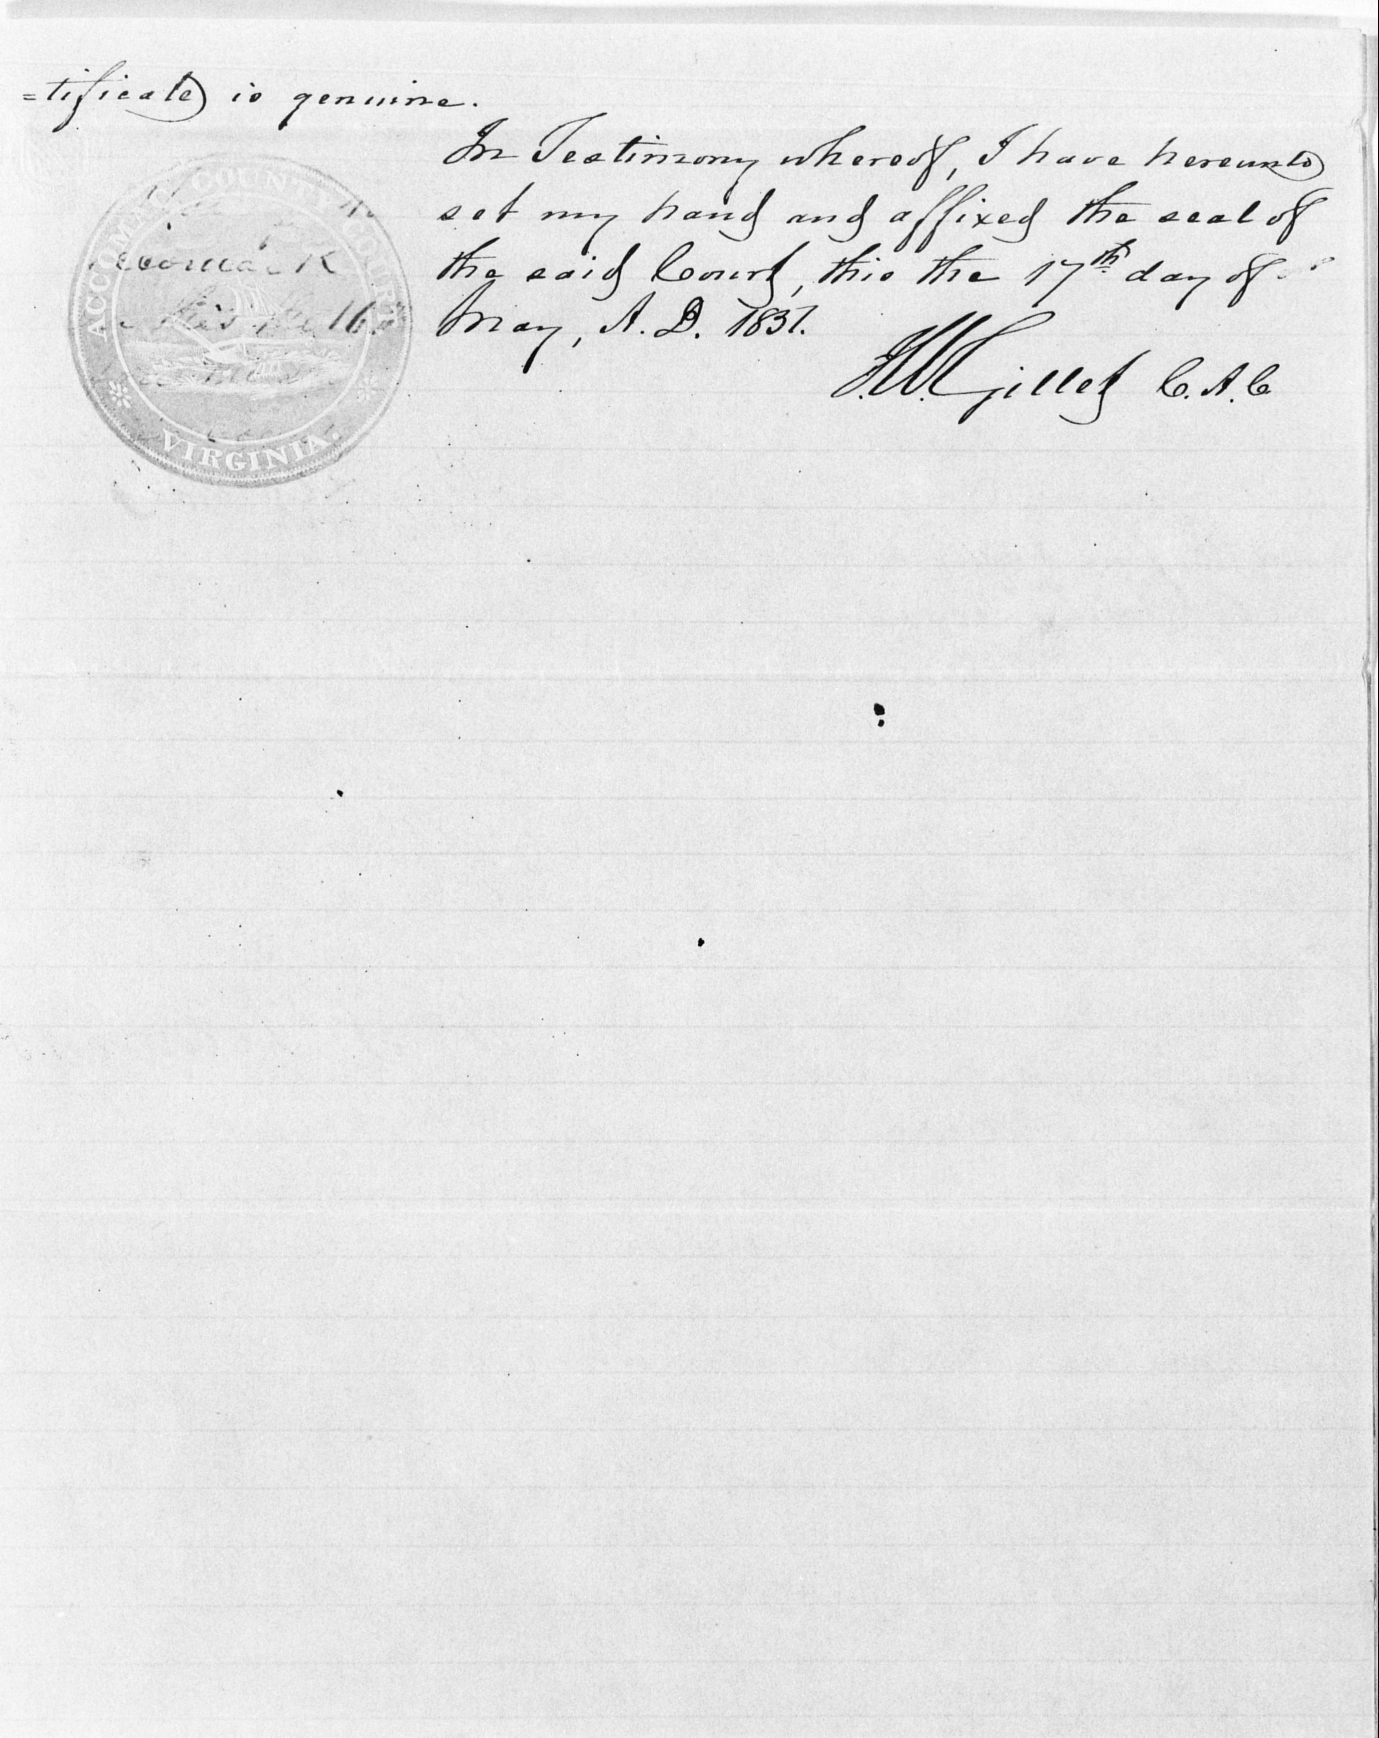=tificate is genuine.
In Testimony whereof, I have hereunto set my hand and affixed the seal of the said Court, this the 17th day of May, A.D. 1837.
J. W. Gillet C.A.C.
(seal) ACCOMACK COUNTY COURT VIRGINIA
Accomack [illegible]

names: J W Gillet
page: 10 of 27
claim: widow's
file: W 5624, Levi Annis, Va. Va. Sea Service